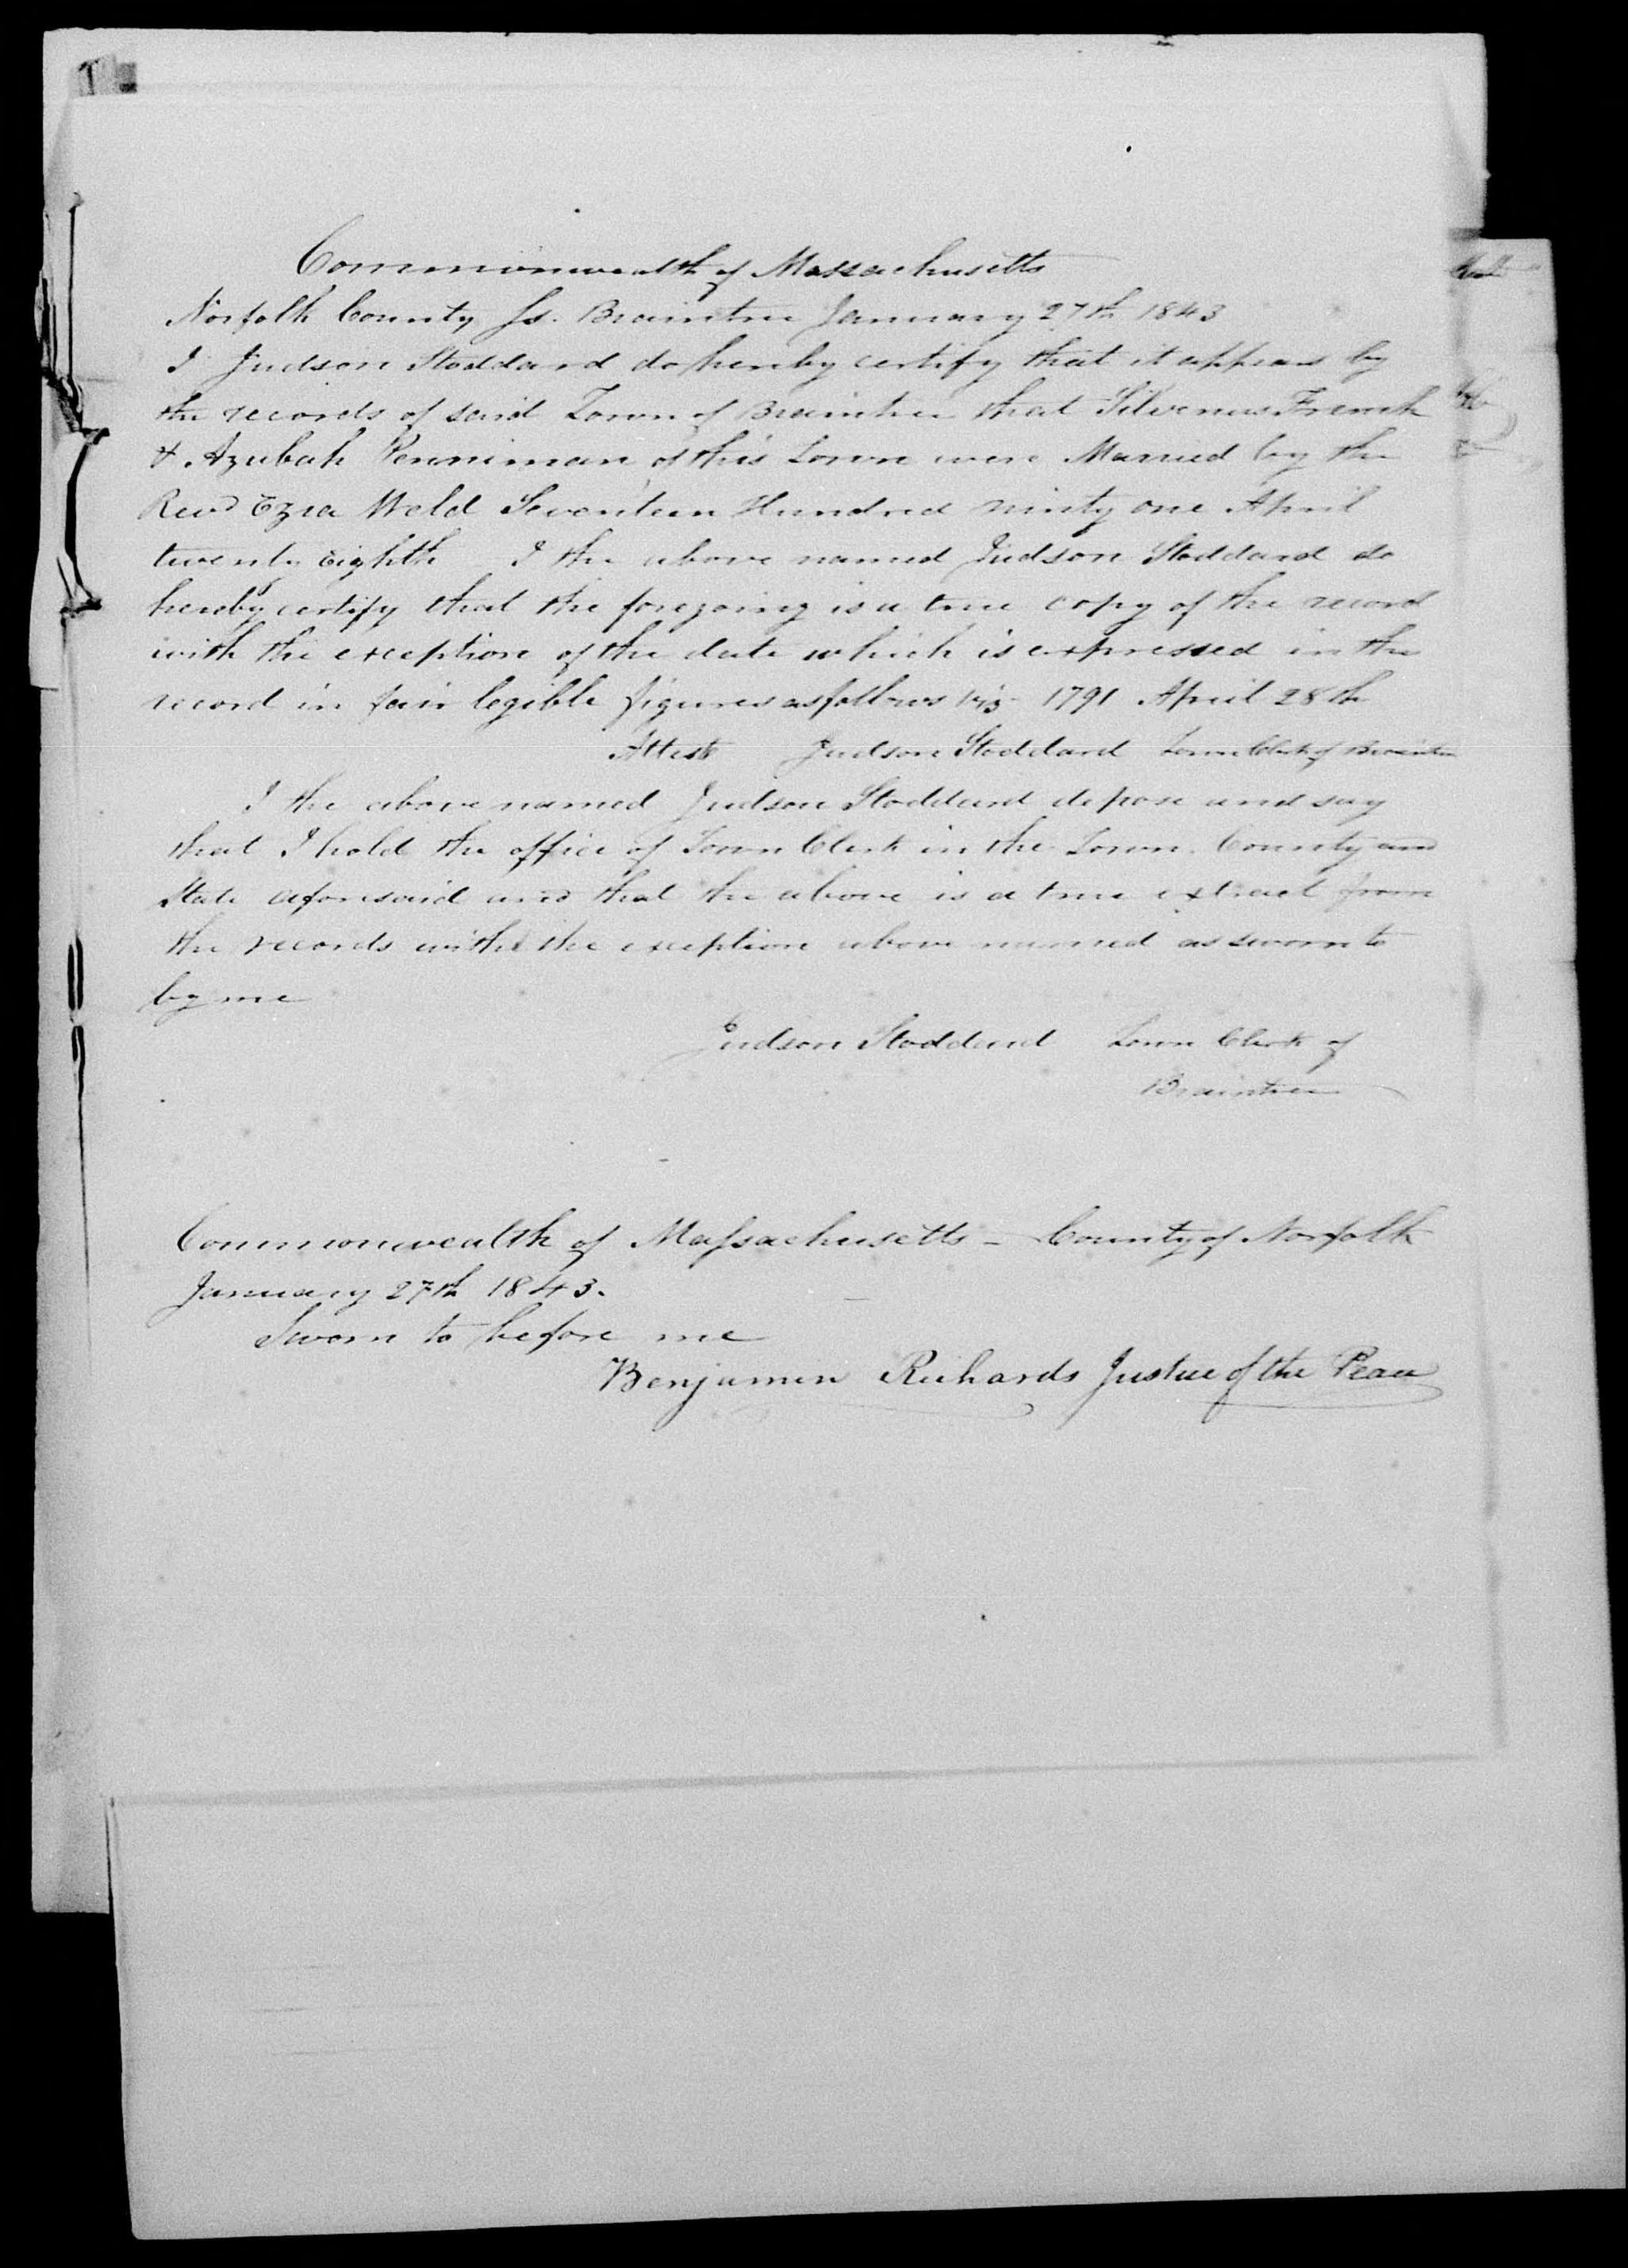Commonwealth of Massachusetts Norfolk County ss. Braintree January 27th 1843 

I Judson Stoddard do hereby certify that it appears by the records of said Town of Braintree that Silvanus French & Azubah Penniman of this town were married by the Revd Ezra Weld Seventeen Hundred ninety one April twenty Eight.  I the above named Judson Stoddard do hereby certify that the foregoing is a true copy of the record with the exception of the date which is expressed in the record in fair legible figures as follows viz 1791. April 28th 

Attest Judson Stoddard  Town Clerk of Braintree

Commonwealth of Massachusetts- County of Norfolk May 27th 1843 
Sworn to before me 
Benjamin Richards Justice of the Peace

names: Judson Stoddard, Benjamin Richards, Judson Stoddard, Silvanus French, Ezra Wold, Judson Stoddard, Azubah Penniman, Judson Stoddard, Judson Stoddard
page: 16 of 38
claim: widow's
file: W. 24,235, Silvanus French, Mass.